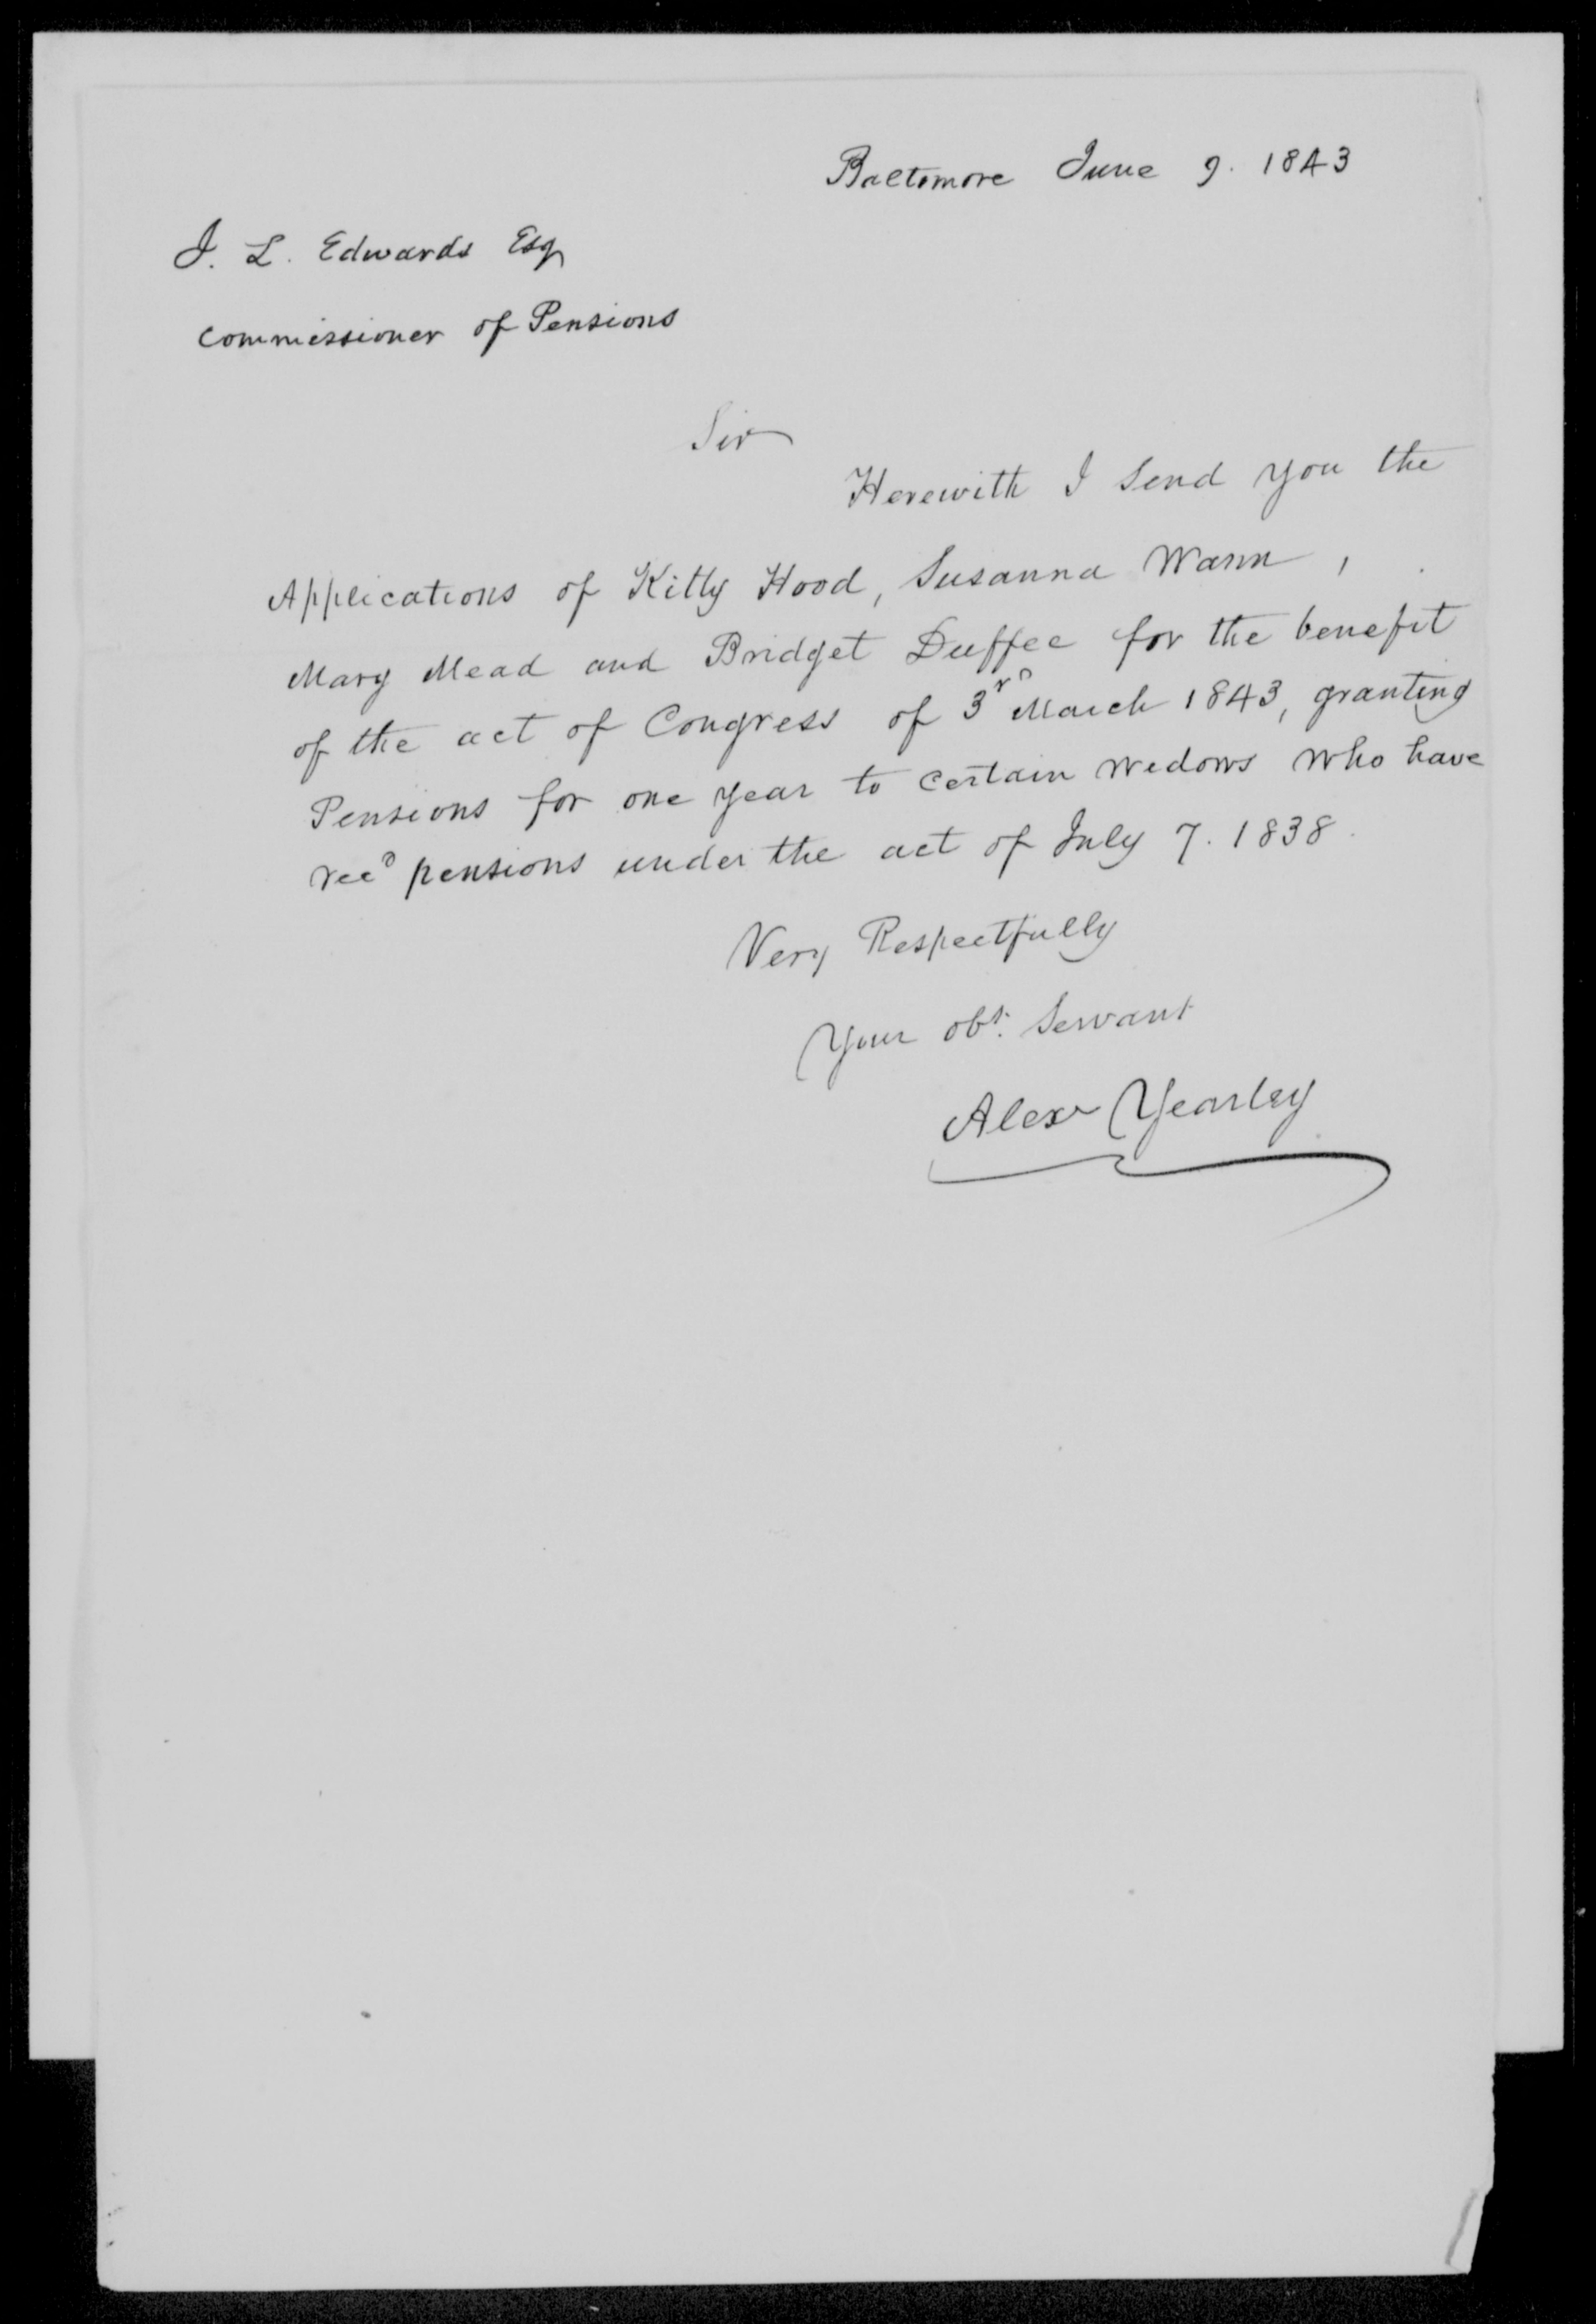Baltimore June 9. 1843
J. L. Edwards Esq
Commissioner of Pensions
Sir
Herewith I send you the Applications of Kitty Hood, Susanna Wann, Mary Mead and Bridget Duffee for the benefit of the act of Congress of 3d March 1843, granting Pensions for one year to certain widows who have recd [received] pensions under the act of July 7. 1838
Very Respectfully
Your obt [obedient] Servant
Alex Yearley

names: Susanna Wann, J L Edwards, Alexr Yearley, Bridget Duffee, Mary Mead, Kitty Hood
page: 35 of 38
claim: widow's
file: W. 3899, John Wann, Penn.